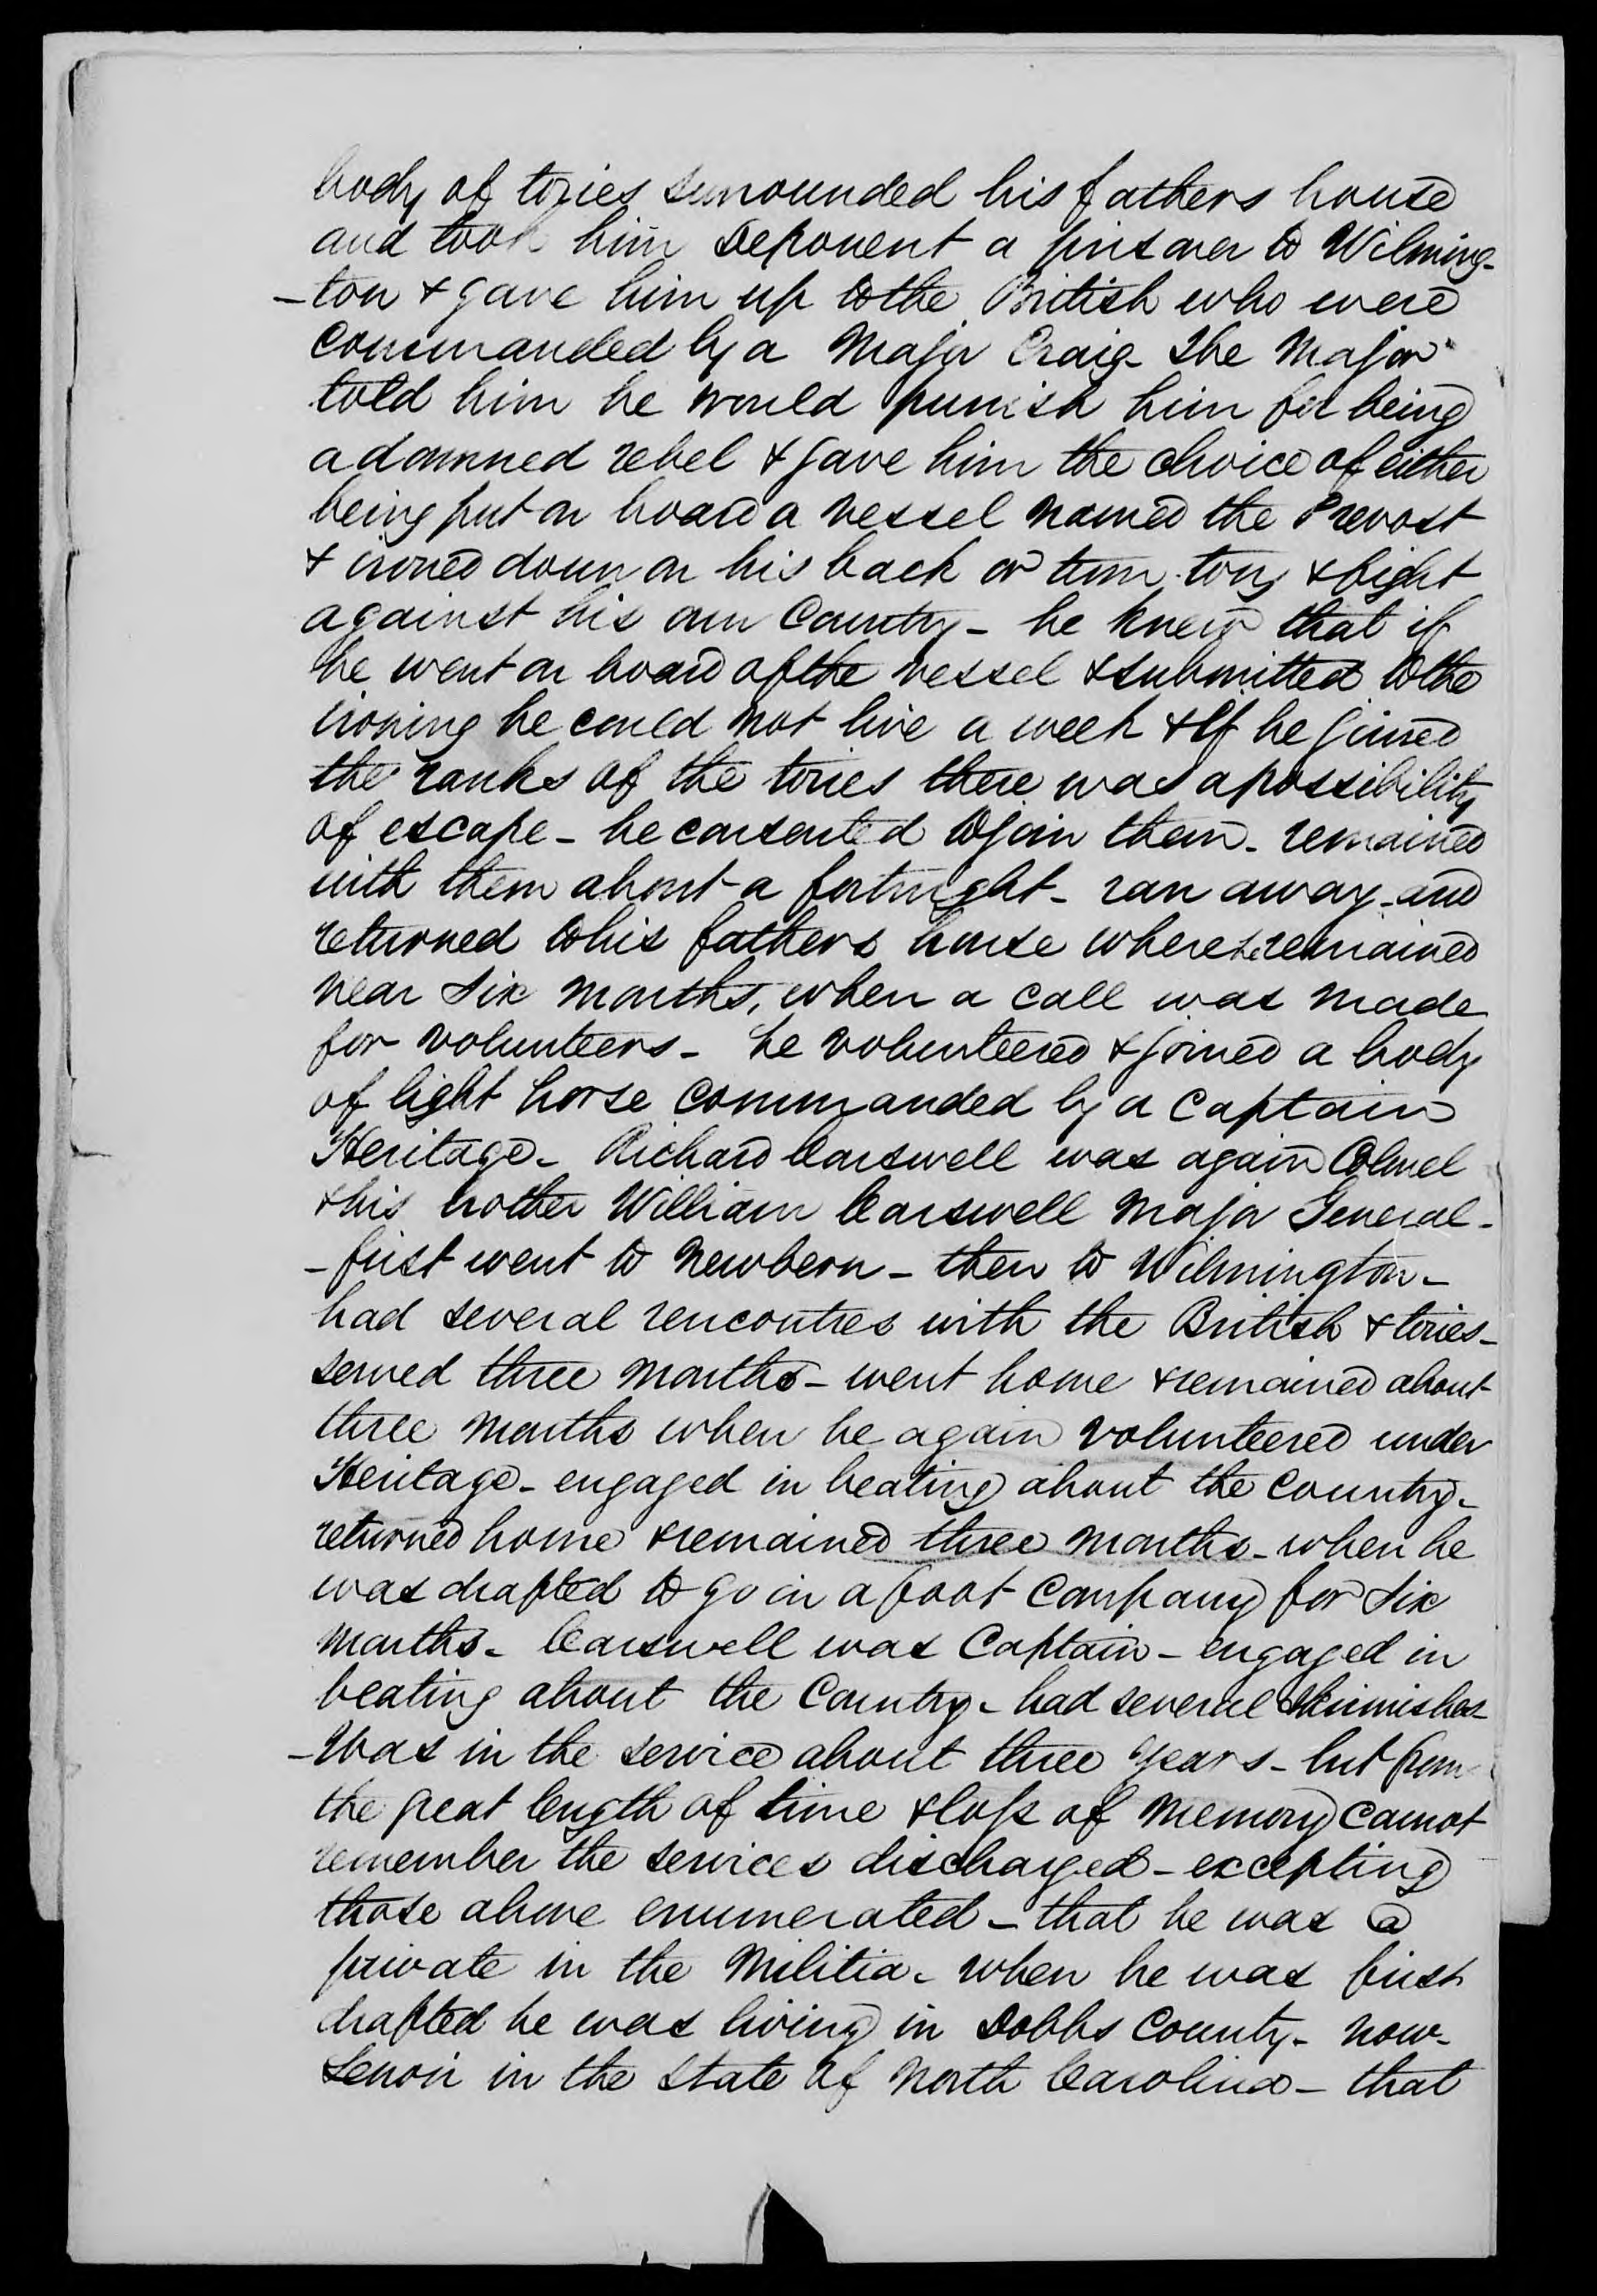body of tories surrounded by his fathers house and took him deponent a prisoner to Wilmington & gave him up to the British who were commanded by a Major Craig. The Major told him he would punish him for being a damned rebel & gave him the choice of either being put on board a vessel named the Prevost & ironed down on his back or turn tory & fight against his own country. he knew that if he went on board of the vessel & submitted to the ironing he could not live a week & if he joined the ranks of the tories there was a possibility of escape. he consented to join them remained with them about a fortnight and returned to his fathers house where he remained near six months when a call was made for volunteers. he volunteered & joined a body of light horse commanded by a Captain Heritage. Richard Carswell was again Colonel & his brother William Carswell Major General first went to Newbern  then to Wilmington had several rencontres with the British & tories served theree months went home remained about three months when he again volunteered under Heritage engaged in beating about the country returned home remained three months when he was drafted to go in a foot company for six months. Carswell was Captain engaged in beating about the country had several skirmishes was in the service about three years but from the great length of time & laps of memory cannot remember the services discharged excepting those above enumerated that he was a private in the Militia when he ws first drafted he was living in Dobbs County now Lewis in the State of North Carolina that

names: Heritage Richard Carswell, Craig, William Carswell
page: 13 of 33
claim: rejected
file: R. 5334, James Hudson, N.C.